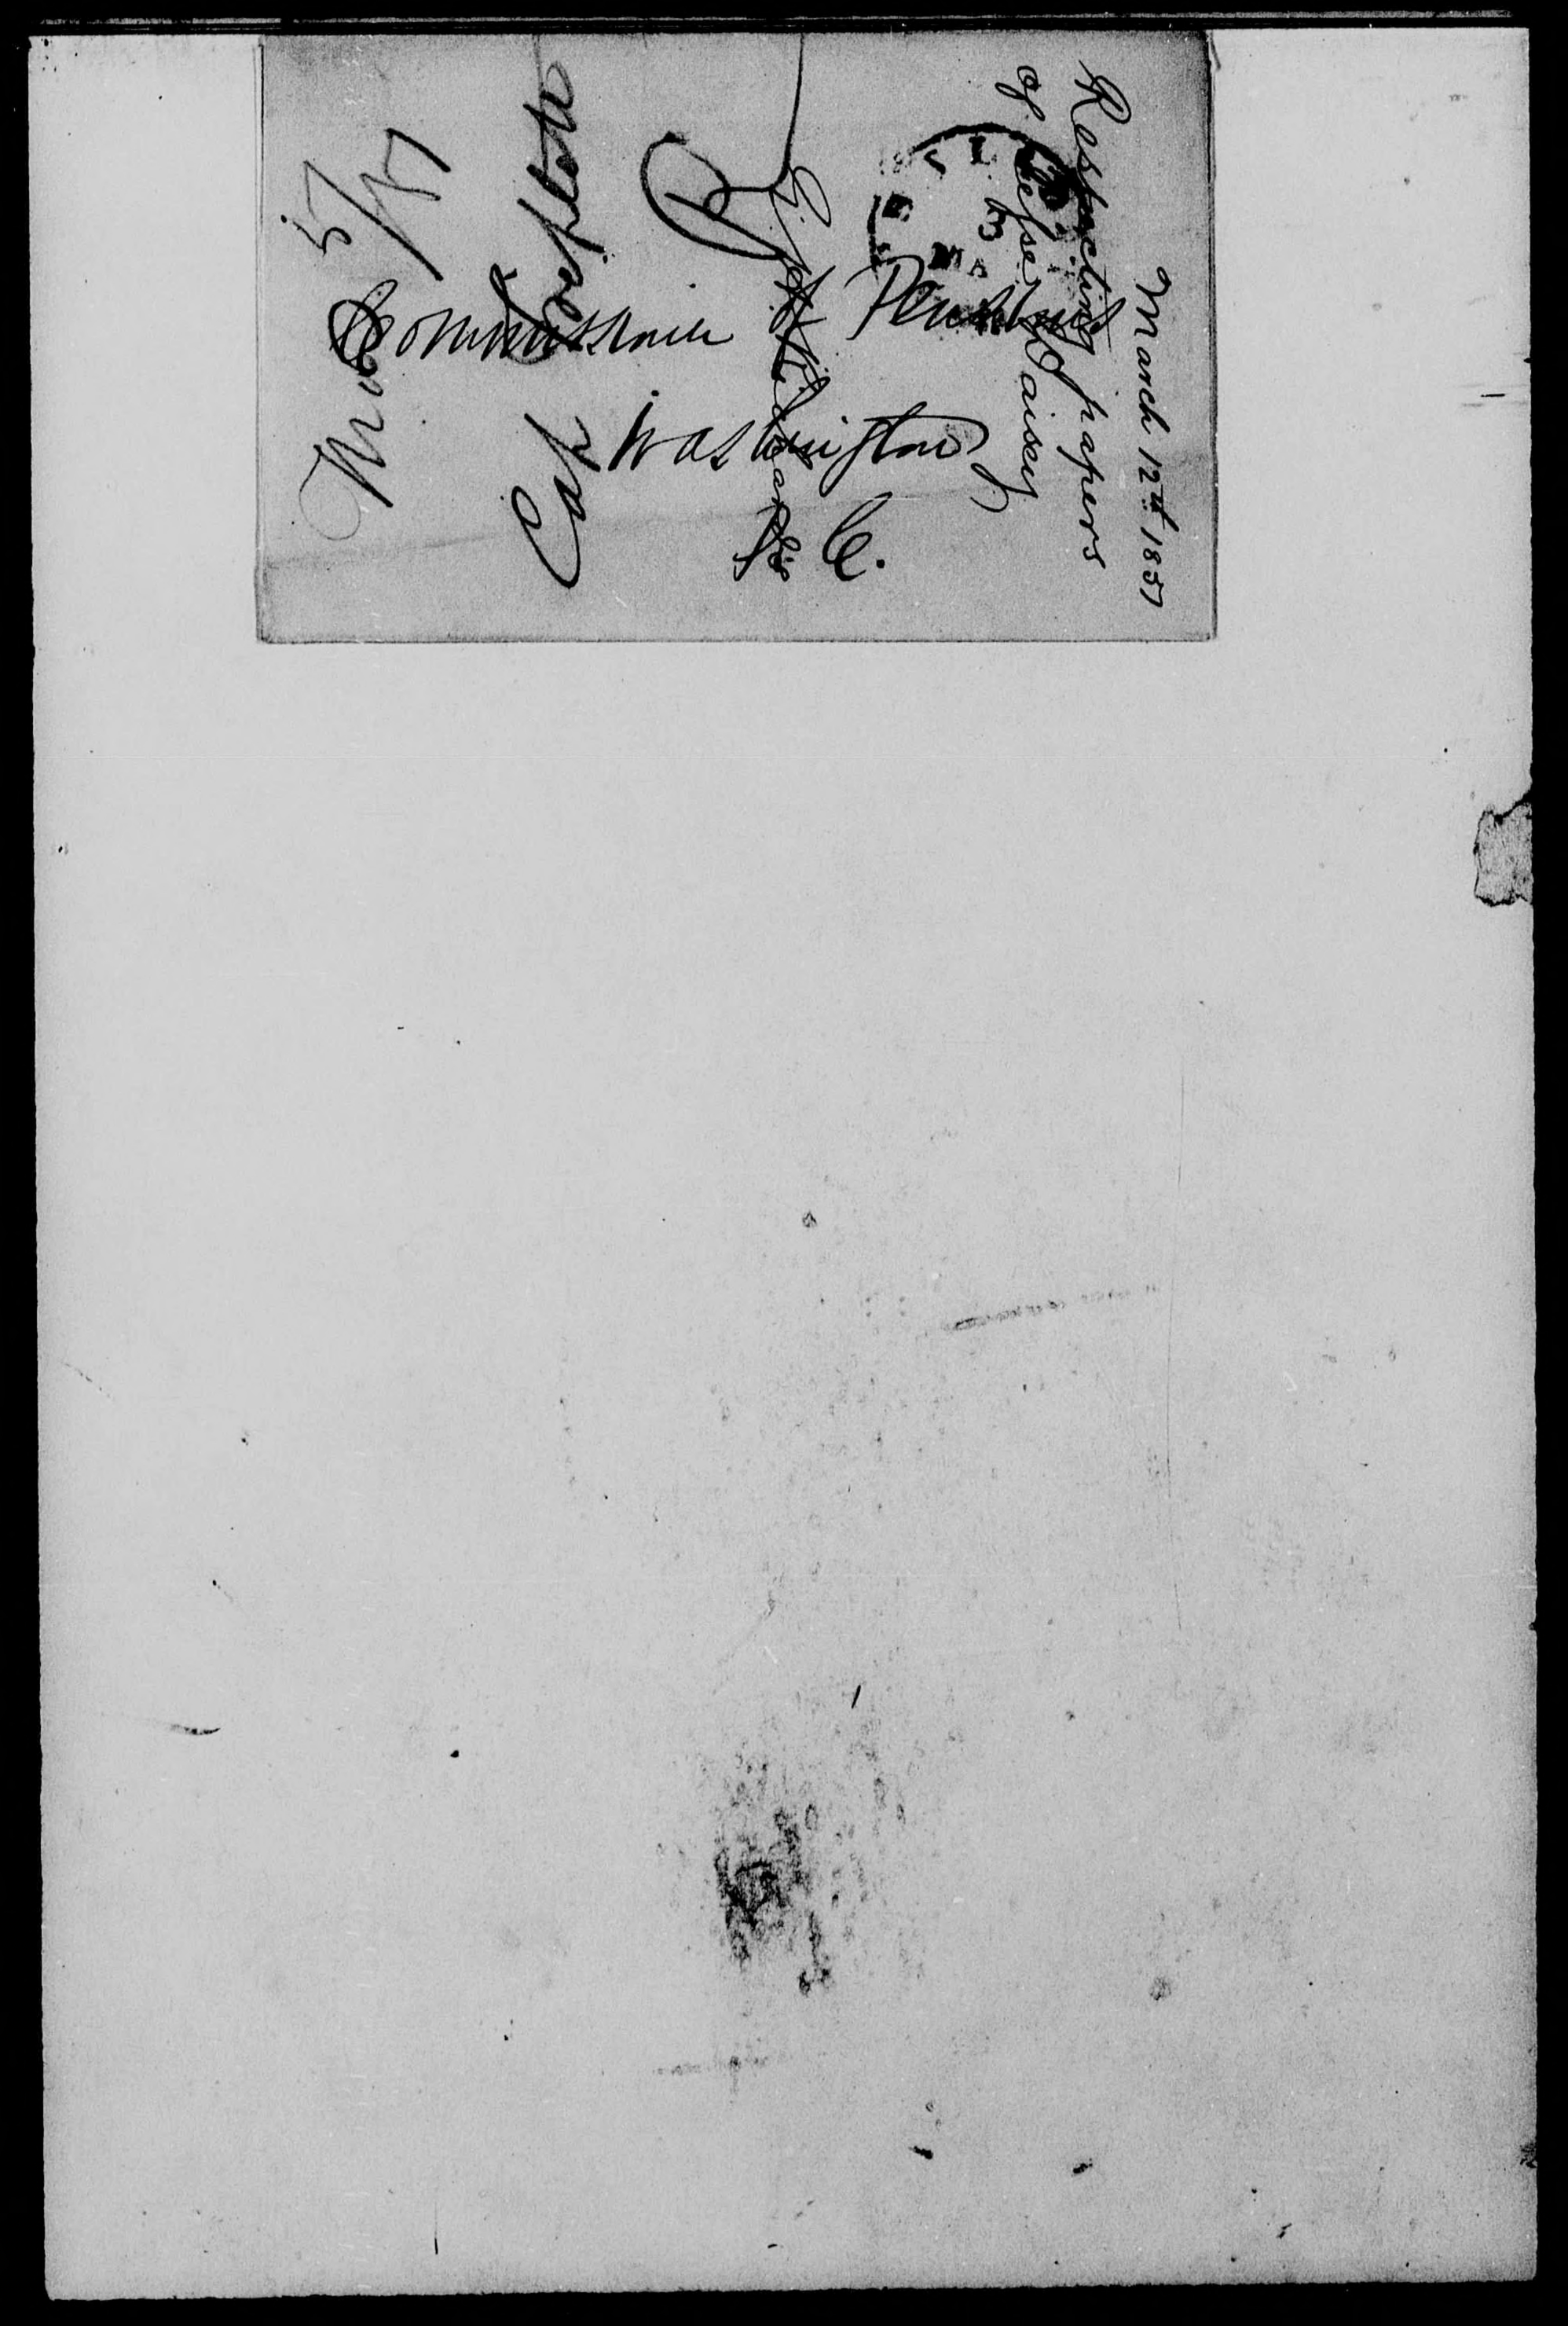[envelope - stamped postmark illegible]
Commissioner of Personnel
Washington
D.C.  
[notations on left of envelope]
Mar 5/87 [?]
Cap Tripplett [?]
R
[notations on right of envelope]
March 12th 1857
Respecting papers of Jesse Daisey
GA Richards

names: Jesse Daisey, Triplett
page: 32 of 32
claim: rejected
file: R. 2795, Jesse Dazey, Del.